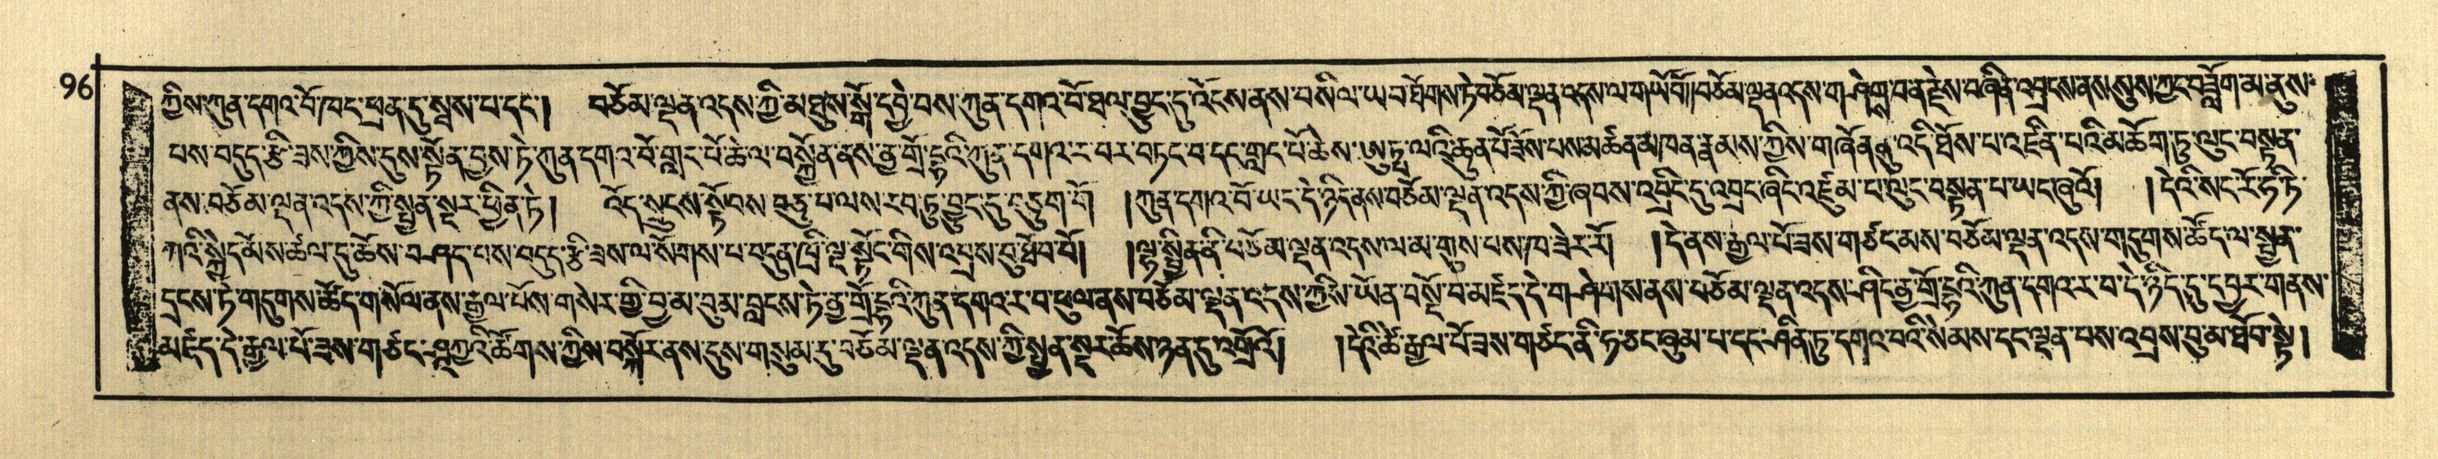ཀྱིས་ཀུན་དགའ་བོ་ཁང་ཕྲན་དུ་སྦས་པ་དང་། བཅོམ་ལྡན་འདས་ཀྱི་མཐུས་སྒོ་དབྱེ་བས་ཀུན་དགའ་བོ་ཐལ་བྱུང་དུ་འོངས་ནས་བསིལ་ཡབ་ཐོགས་ཏེ་བཅོམ་ལྡན་འདས་ལ་གཡོ་བོ། །བཅོམ་ལྡན་འདས་གཤེགས་བ་ན་རྗེས་བཞིན་འབྲངས་ནས་སུས་ཀྱང་བཟློག་མ་ནུས་
པས་བདུད་རྩི་ཟས་ཀྱིས་དུས་སྟོན་བྱས་ཏེ་ཀུན་དགའ་བོ་གླང་པོ་ཆེ་ལ་བསྐྱོན་ནས་ནྱ་གྲོ་དྷའི་ཀུན་དགའ་ར་བར་བཏང་བ་དང་གླང་པོ་ཆེས་ཨུཏྤ་ལའི་ཆུན་པོ་ཟོས་པས་མཚན་མཁན་རྣམས་ཀྱིས་གཞོན་ནུ་འདི་ཐོས་པ་འཛིན་པའི་མཆོག་ཏུ་ལུང་བསྟན་
ནས་བཅོམ་ལྡན་འདས་ཀྱི་སྤྱན་སྔར་ཕྱིན་ཏེ། འོད་སྲུངས་སྟོབས་བཅུ་པ་ལས་རབ་ཏུ་བྱུང་དུ་བཅུག་གོ །ཀུན་དགའ་བོ་ཡང་དེ་ཉིད་ནས་བཅོམ་ལྡན་འདས་ཀྱི་ཞབས་འབྲིང་དུ་འབྲང་ཞིང་འཛུམ་པ་ལུང་བསྟན་པ་ཡང་ཞུའོ། །དེའི་སང་རོ་ཧ་ཏི་
ཀའི་སྐྱེད་མོས་ཚལ་དུ་ཆོས་བཤད་པས་བདུད་རྩི་ཟས་ལ་སོགས་པ་བདུན་ཁྲི་ལྔ་སྟོང་གིས་འབྲས་བུ་ཐོབ་བོ། །ལྷ་སྦྱིན་ནི་བཅོམ་ལྡན་འདས་ལ་མ་གུས་པས་ཁ་ཟེར་རོ། །དེ་ནས་རྒྱལ་པོ་ཟས་གཙང་མས་བཅོམ་ལྡན་འདས་གདུགས་ཚོད་ལ་སྤྱན་
དྲངས་ཏེ་གདུགས་ཚོད་གསོལ་ནས་རྒྱལ་པོས་གསེར་གྱི་བྱ་མ་བུམ་བླངས་ཏེ་ནྱ་གྲོ་དྷའི་ཀུན་དགའ་ར་བ་ཕུལ་ནས་བཅོམ་ལྡན་འདས་ཀྱིས་ཡོན་བསྔོ་བ་མཛད་དེ་གཤེགས་ནས་བཅོམ་ལྡན་འདས་ཤིང་ནྱ་གྲོ་དྷའི་ཀུན་དགའ་ར་བ་དེ་ཉིད་དུ་དབྱར་གནས་
མཛད་དེ་རྒྱལ་པོ་ཟས་གཙང་ཤཱཀྱའི་ཚོགས་ཀྱིས་བསྐོར་ནས་དུས་གསུམ་དུ་བཅོམ་ལྡན་འདས་ཀྱི་སྤྱན་སྔར་ཆོས་ཉན་དུ་འགྲོའོ། །དེའི་ཚེ་རྒྱལ་པོ་ཟས་གཙང་ནི་ཧ་ཅང་ཞུམ་པ་དང་ཤིན་ཏུ་དགའ་བའི་སེམས་དང་ལྡན་པས་འབྲས་བུ་མ་ཐོབ་སྟེ།